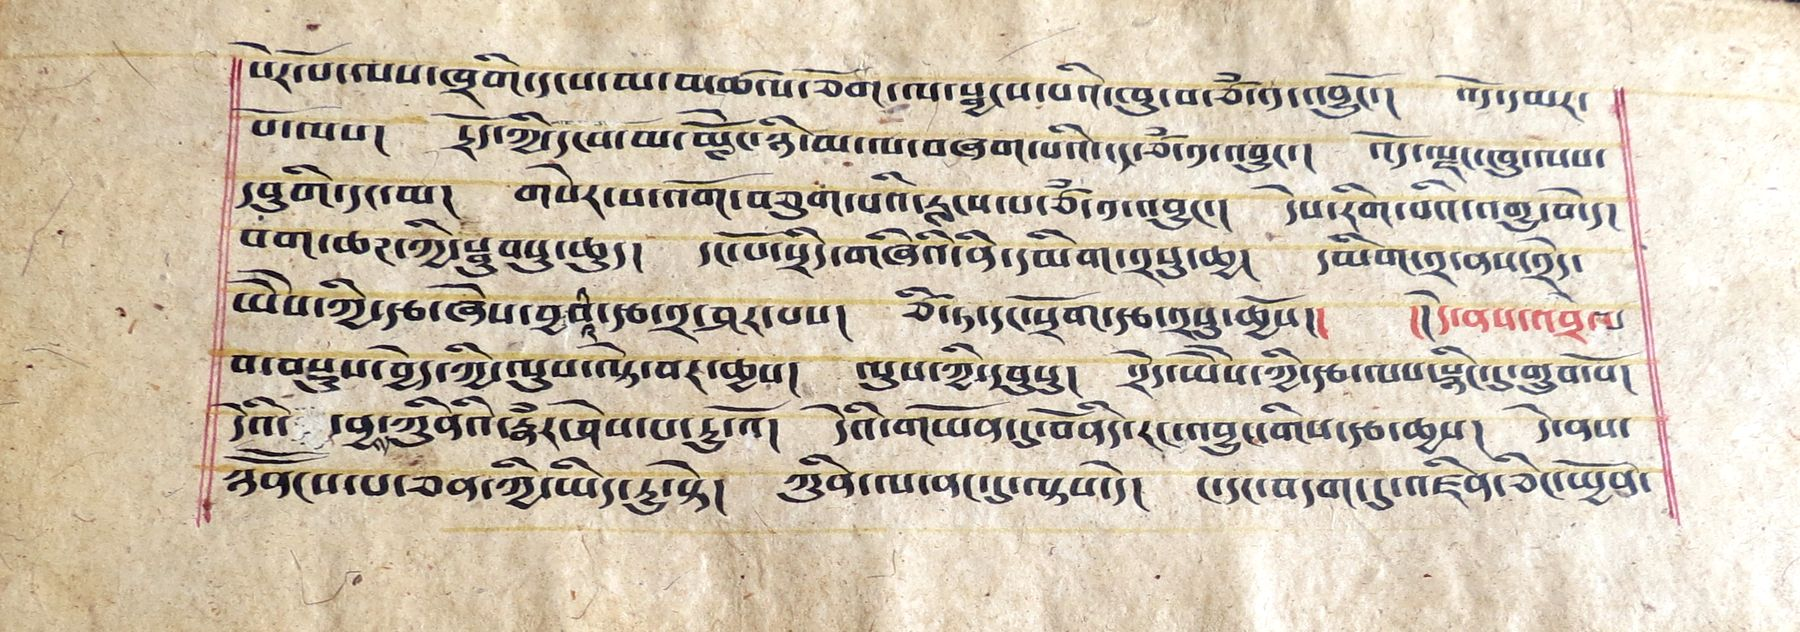སེར་པོ་ལས་ཁྲག་གི་དྭངས་མ་མཚལ་ལྕོག་ལ་སྦྱངས་པའི་ཁུ་བ་ཙམ་ཞིག་བྱུང་ངོ་། འོད་དམར་
པོ་ལས། དྲོད་ཀྱི་དྭངས་མ་མེ་ལོང་ཉི་མ་ལ་བཞག་པའི་ངད་ཙམ་ཞིག་འབྱུང་། འོད་ལྗང་གུ་ལས་
དབུགས་ཀྱི་དྭངས་མ། གསེར་ས་འོག་ཏུ་བཅུག་པའི་རླངས་པ་ཙམ་ཞིག་བྱུང་། དེས་རིག་པའི་འགྱུབ་དེ་
བག་ཆགས་ཀྱི་སྦུབས་སུ་ཆུད། དང་པོ་སྲིད་པའི་གཞི་ནི་མིག་གཉིས་ཆགས། དམིག་གཉིས་ནས་གཉིས་མེད་
ཡེ་ཤེས་ཀྱི་རྩ་ཞེས་བྱ་བའི་རྩ་གཉིས་ཤར་བས། ཙི་ཏ་དང་སྲོག་རྩ་གཉིས་སུ་ཆགས་སོ། དེ་ནས་འབྲེལ་
བ་སྡུད་བྱེད་ཀྱི་ལུས་ལྟེ་བར་ཆགས། ལུས་ཀྱི་དབུས་སུ། གཉིས་མེད་ཀྱི་ཡེ་ཤེས་ཀྱི་རྩ་ལས་སྙིང་དུ་གྲུབ་བོ། 
དེའི། གནས་ཀུན་གཞིའི་རྣམ་པར་ཤེས་པ་རྒྱུའོ། ། དེའི་གཡོན་དུ་བོན་ཉིད་རང་འབྱུང་གི་རྩ་ཆགས། ། དེ་ནས་
ཉོན་མོངས་པ་ཅན་ཡིད་རྒྱུ་སྟེ། ཀུན་གཞི་ལ་༼ཁ༽ནང་དུ་བལྟས་ཏེ། ང་དང་བདག་ཏུ་འཛིན་ཅིང་། གཡོན་